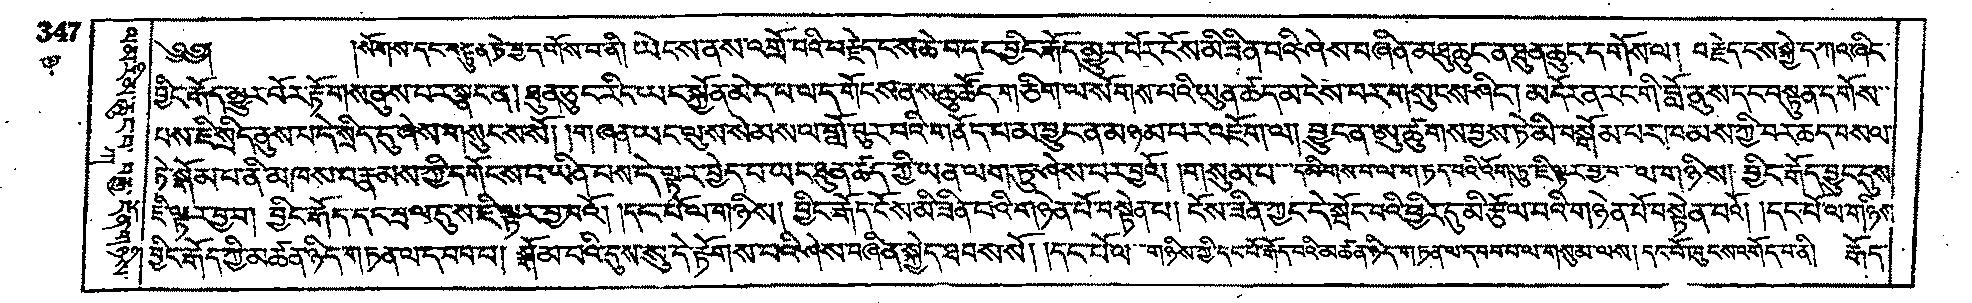༄༅། །སོགས་དང་བསྟུན་ཏེ་བྱ་དགོས་པ་ནི། ཡེངས་ནས་འགྲོ་བའི་བརྗེད་ངས་ཆེ་བ་དང་བྱིང་རྒོད་མྱུར་པོར་ངོས་མི་ཟིན་པའི་ཤེས་བཞིན་མཐུ་ཆུང་ན་ཐུན་ཆུང་དགོས་ལ། བརྗེད་ངས་སྐྱེ་དཀའ་ཞིང་
བྱིང་རྒོད་མྱུར་པོར་རྟོགས་ནུས་པར་སྣང་ན། ཐུན་ཅུང་རིང་ཡང་སྐྱོན་མེད་པ་ལ་དགོངས་ནས་ཆུ་ཚོད་གཅིག་ལ་སོགས་པའི་ཡུན་ཚད་མ་ངེས་པར་གསུངས་ཤིང་། མདོར་ན་རང་གི་བློ་ནུས་དང་བསྟུན་དགོས་
པས་ཇི་སྲིད་ནུས་པ་དེ་སྲིད་དུ་ཞེས་གསུངས་སོ། །གཞན་ཡང་ལུས་སེམས་ལ་གློ་བུར་བའི་གནོད་པ་མ་བྱུང་ན་མཉམ་པར་འཇོག་ལ། བྱུང་ན་ཨུ་ཚུགས་བྱས་ཏེ་མི་བསྒོམ་པར་ཁམས་ཀྱི་བར་ཆད་བསལ་
ཏེ་སྒོམ་པ་ནི་མཁས་པ་རྣམས་ཀྱི་དགོངས་པ་ཡིན་པས་དེ་ལྟར་བྱེད་པ་ཡང་ཐུན་ཚད་ཀྱི་ཡན་ལག་ཏུ་ཤེས་པར་བྱའོ། །གསུམ་པདམིགས་པ་ལ་གཏད་པའི་འོག་ཏུ་ཇི་ལྟར་བྱ་བ་ལ་གཉིས། བྱིང་རྒོད་བྱུང་དུས་
ཇི་ལྟར་བྱ་བ། བྱིང་རྒོད་དང་བྲལ་དུས་ཇི་ལྟར་བྱ་བའོ། །དང་པོ་ལ་གཉིས། བྱིང་རྒོད་ངོས་མི་ཟིན་པའི་གཉེན་པོ་བསྟེན་པ། ངོས་ཟིན་ཀྱང་དེ་སྤོང་བའི་ཕྱིར་དུ་མི་རྩོལ་བའི་གཉེན་པོ་བསྟེན་པའོ། །དང་པོ་ལ་གཉིས་
བྱིང་རྒོད་ཀྱི་མཚན་ཉིད་གཏན་ལ་དབབ་པ། སྒོམ་པའི་དུས་སུ་དེ་རྟོགས་པའི་ཤེས་བཞིན་སྐྱེད་ཐབས་སོ། །དང་པོ་ལགཉིས་ཀྱི་དང་པོ་རྒོད་པའི་མཚན་ཉིད་གཏན་ལ་དབབ་པ་ལ་གསུམ་ལས། དང་པོ་ཁུངས་འགོད་པ་ནི།  རྒོད་